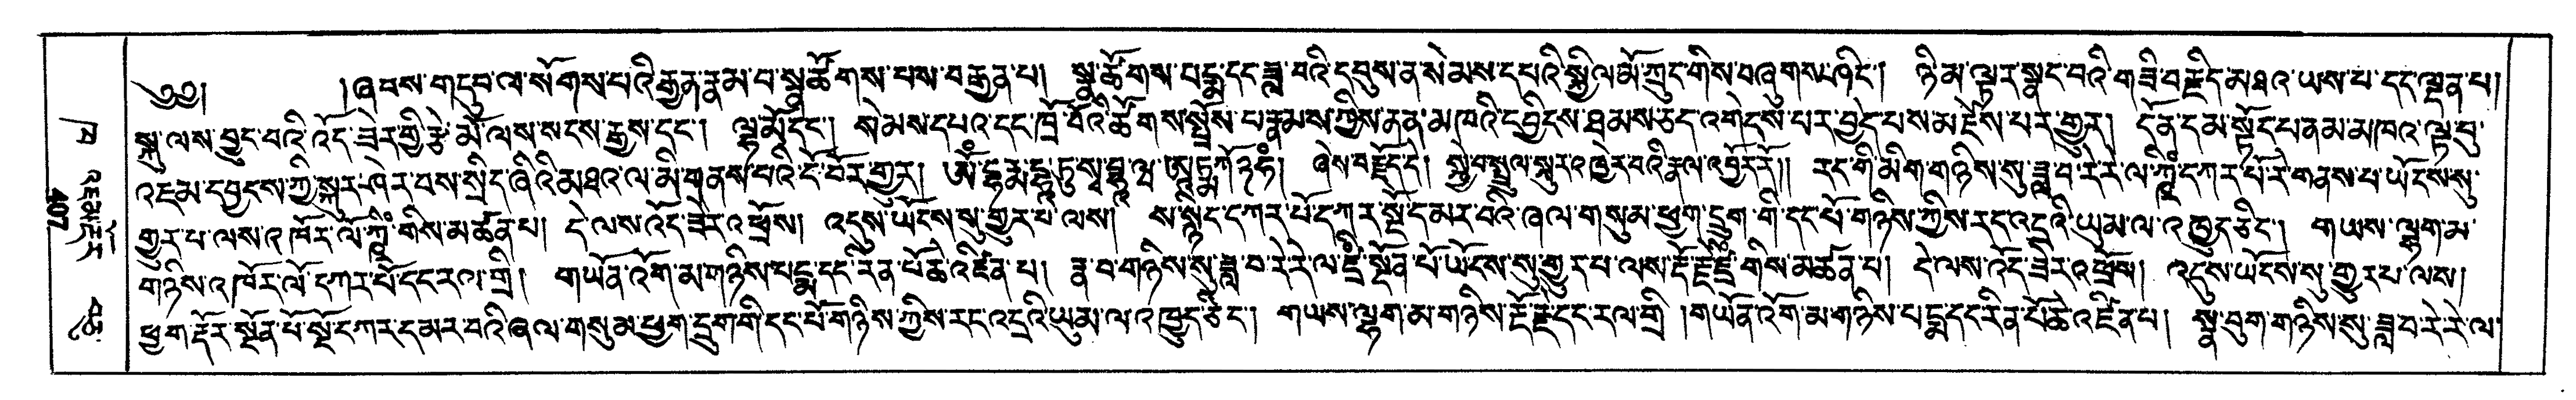༄༅། །ཞབས་གདུབ་ལ་སོགས་པའི་རྒྱན་རྣམ་པ་སྣ་ཚོགས་པས་བརྒྱན་པ། སྣ་ཚོགས་པདམ་དང་ཟླ་བའི་དབུས་ན་སེམས་དཔའི་སྐྱིལ་མོ་ཀྲུང་གིས་བཞུགས་ཤིང་། ཉི་མ་ལྟར་སྣང་བའི་གཟི་བརྗིད་མཐའ་ཡས་པ་དཔལ་ལྡན་
སྐུ་ལས་བྱུང་བའི་འོད་ཟེར་གྱི་རྩེ་མོ་ལས་སངས་རྒྱས་དང་། ལྷ་མོ་དང་། སེམས་དཔའ་དང་ཁྲོ་བོའི་ཚོགས་སྤྲོས་པ་རྣམས་ཀྱིས་ནམ་མཁའི་དབྱིངས་ཐམས་ཅད་འགེངས་པར་བྱེད་པས་མཛེས་པར་གྱུར། དོན་དམ་སྟོང་པ་ནམ་མཁའ་ལྟ་བུ་
འཇམ་དབྱངས་ཀྱི་སྐུར་ཤར་བས་སྲིད་ཞིའི་མཐའ་ལ་མིག་གནས་པའི་ངོ་བོར་གྱུར། ཨོཾ་དྷརྨ་དྷཱ་ཏུ་སྭ་བྷཱ་ཝ་ཨཱཏྨ་ཀོཉྷཾ། ཞེས་བརྗོད་དེ། སྐྱེ་བ་སྤྲུལ་སྐུར་འཁྱེར་བའི་རྣལ་འབྱོར་རོ།། རང་གི་མིག་གཉིས་སུ་ཟླ་བ་རེ་ར་ལ་ཀིཥིཾ་དཀར་པོ་རེ་གནས་པ་ཡོངས་སུ་
གྱུར་པ་ལས་འཁོར་ལོ་ཀཥིཾ་གིས་མཚན་པ། དེ་ལས་འོད་ཟེར་འཕྲོས། འདུས་ཡོངས་སུ་གྱུར་པ་ལས། ས་སྙིང་དཀར་པོ་དཀར་སྔོ་དམར་བའི་ཞལ་གསུམ་ཕྱག་དྲུག་གི་དང་པོ་གཉིས་ཀྱིས་རང་འདྲའི་ཡུམ་ལ་འཁྱུད་ཅིང་། གཡས་ལྷག་མ་
གཉིས་འཁོར་ལོ་དཀར་པོ་དང་རལ་གྲི། གཡོན་འོག་མ་གཉིས་པདམ་དང་རིན་པོ་ཆེའི་འཛིན་པ། རྣ་བ་གཉིས་སུ་ཟླ་བ་རེ་རེ་ལ་ཛྲིཾ་སྔོན་པོ་ཡོངས་སུ་གྱུར་པ་ལས་རྡོ་རྗེ་ཛྲིཾ་གིས་མཚན་པ། དེ་ལས་འོད་ཟེར་འཕྲོས། འདུས་ཡོངས་སུ་གྱུར་པ་ལས།
ཕྱག་རྡོར་སྔོན་པོ་སྔོ་དཀར་དམར་བའི་ཞལ་གསུམ་ཕྱག་དྲུག་གི་དང་པོ་གཉིས་ཀྱིས་རང་འདྲའི་ཡུམ་ལ་འཁྱུད་ཅིང་། གཡས་ལྷག་མ་གཉིས་རྡོ་རྗེ་དང་རལ་གྲི་།གཡོན་འོག་མ་གཉིས་པདམ་དང་རིན་པོ་ཆེ་འཛིན་པ། སྣ་བུག་གཉིས་སུ་ཟླ་བ་རེ་རེ་ལ་